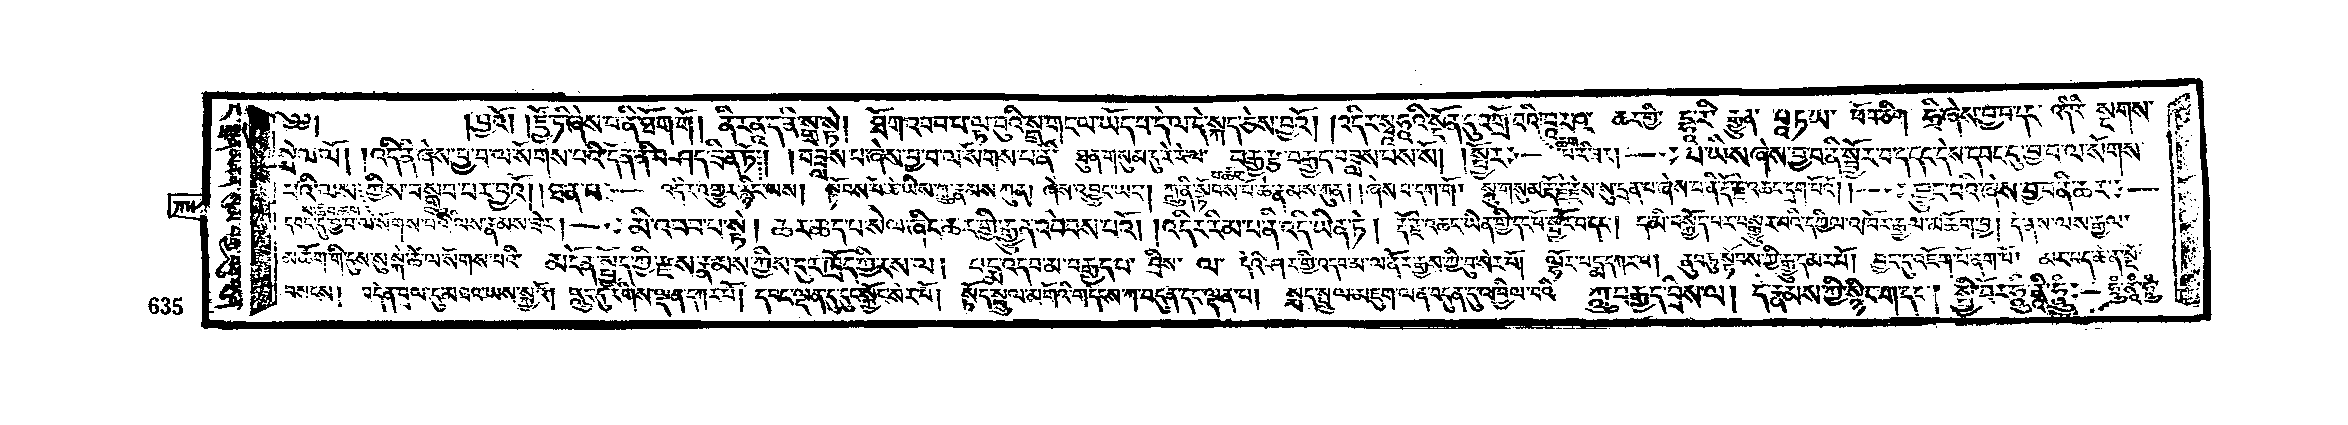༄༅། །བྱའོ། །ཛྱོ་ཏི་ཞེས་པ་ནི་ཐོག་གོ། ནིར་ནཱ་ད་ནི་སྒྲ་སྟེ། ཐོག་འབབ་པ་ལྟ་བུའི་སྒྲ་གང་ལ་ཡོད་པ་དེ་ལ་དེ་སྐད་ཅེས་བྱའོ། །འདིར་སྭཱ་ཧཱའི་སྔོན་དུ་འགྲོ་བའི་བར་ཥ་ཆར་གྱི་དྷཱ་རཾ་རྒྱུན་པཱ་ཏ་ཡ་ཕོབ་ཅིག་ཧྲི་ཞེས་བྱ་བ་དང་འདིའི་སྔགས་
སྤེལ་ལོ། །འདི་ནི་ཞེས་བྱ་བ་ལ་སོགས་པའི་དོན་ནི་བཤད་ཟིན་ཏོ། །བཟླས་པ་ཞེས་བྱ་བ་ལ་སོགས་པ་ནི་ཐུན་གསུམ་དུ་རེ་རེ་ལ་བརྒྱ་རྩ་བརྒྱད་བཟླས་པས་སོ། །སྤྱོརཿ་ཆག་པ་རི་ཟར། .H པ་ཡིས་ཞེས་བྱ་བ་ནི་སྦྱོར་བ་དང་དེས་དབང་དུ་བྱ་བ་ལ་སོགས་
པའི་ལས་ཀྱིས་བསྒྲུབ་པར་བྱའོ། །ཐན་པཿ་འདིར་འགྱུར་རྙིང་ལས། སྟོབས་པོ་ཆེ་ཡིས་ཀླུ་རྣམས་ཀུན། ཞེས་འབྱུང་ཡང་། ཀླུ་ནི་པ་ཚབ་སྟོབས་པོ་ཆེ་རྣམས་ཀུན། །ཞེས་པ་བདག་གོ །སྐུ་གསུམ་རྡོ་རྗེ་རྗེས་སུ་དྲན་པ་ཞེས་པ་ནི་རྡོ་རྗེ་འཆང་དྲག་པའོ།།.H བྱུང་བའི་ཞེས་བྱ་བ་ནི་ཆརཿ
དབང་དུ་པ་ཚབ་ཆག་བྱ་བ་ལ་སོགས་པའི་ལས་རྣམས་ཟེར།  .H མི་འབབ་པ་སྟེ། ཆར་ཆད་པ་སེལ་ཞིང་ཆར་གྱི་རྒྱུན་འབེབས་པའོ། །འདིར་རིམ་པ་ནི་འདི་ཡིན་ཏེ། རྡོ་རྗེ་འཆང་ཡིན་གྱི་དང་པོ་སྦྱོར་བ་དང་། དེ་མི་བསྐྱོད་པར་བསྒྱུར་བའི་དཀྱིལ་འཁོར་རྒྱལ་མཆོག་བྱ། དེ་ནས་ལས་རྒྱལ་
མཆོག་གི་དུས་སུ་སྐེ་ཚེ་ལ་སོགས་པའི་མངོན་སྤྱོད་ཀྱི་རྫས་རྣམས་ཀྱིས་དུར་ཁྲོད་ཀྱི་རས་ལ། པདམ་འདབ་མ་བརྒྱད་པ་བྲིས་ལ་དེའི་ཤར་གྱི་འདབ་མ་ལ་ནོར་རྒྱས་ཀྱི་བུ་སེར་པོ། ལྷོར་པདམ་དཀར་པོ། ནུབ་ཏུ་སྟབས་ཀྱི་རྒྱུ་དམར་པོ། བྱང་དུ་འཇོག་པོ་ནག་པོ། མར་པད་ཆེ་ན་སྔོ་
བསངས། བདེན་བྲལ་དུ་མཐའ་ཡས་སྐྱའོ། རླུང་དུ་རིགས་ལྡན་དཀར་པོ། དབང་ལྡན་དུ་དུང་སྐྱོང་སེར་པོ། སྟོད་སྒྲུལ་མགོའི་གདངས་ཀ་བདུན་དང་ལྡན་པ། སྨད་སྤྲུལ་མཇུག་ལན་བདུན་དུ་འཁྱིལ་བའི་ཀླུ་བརྒྱད་བྲིས་ལ། དེ་རྣམས་ཀྱི་སྙིང་ག་དང་། སྤྱི་བོར་ཧཱུཾ་ནཱཾ་ཧཱུཾཿ་ཧཱུཾ་ནཱཾ་ཧཱུཾ་